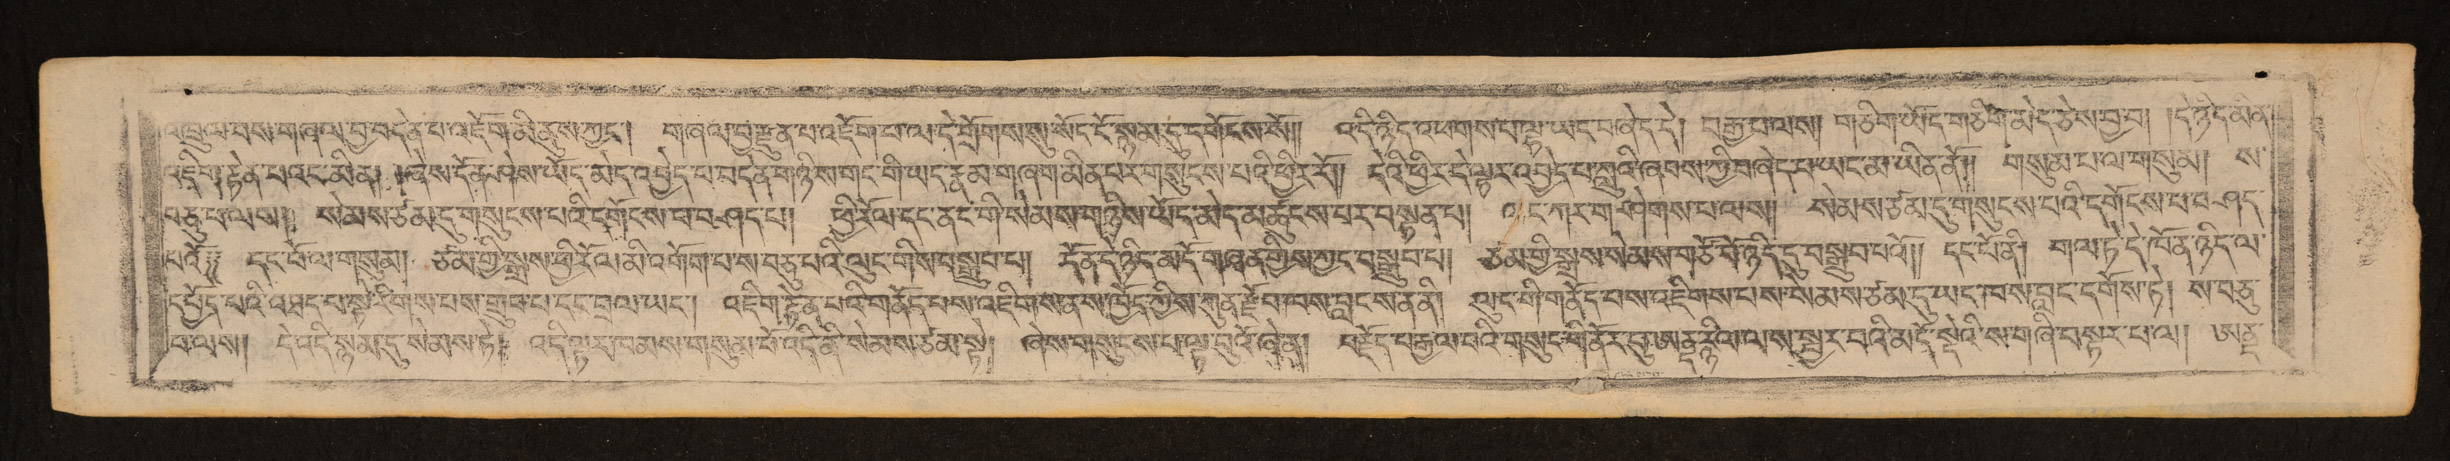འཁྲུལ་བས་གཞལ་བྱ་བདེན་པ་འཇོག་མི་ནུས་ཀྱང་། གཞལ་བྱ་རྫུན་པ་འཇོག་པ་ལ་དེ་གྲོགས་སུ་སོང་ངོ་སྙམ་དུ་དགོངས་སོ།། འདི་ཉིད་འཕགས་པ་ལྷ་ཡང་བཞེད་དེ། བརྒྱ་པ་ལས། གཅིག་ཡོད་གཅིག་མེད་ཅེས་བྱ་བ། །དེ་ཉིད་མིན་
འཇིག་རྟེན་པའང་མིན། །ཞེས་དོན་ཤེས་ཡོད་མེད་འབྱེད་པ་བདེན་གཉིས་གང་གི་ཡང་རྣམ་གཞག་མིན་པར་གསུངས་པའི་ཕྱིར་རོ།། དེའི་ཕྱིར་དེ་ལྟར་འབྱེད་པ་ཀླུའི་ཞབས་ཀྱི་བཞེད་པ་ཡང་མ་ཡིན་ནོ།། གསུམ་པ་ལ་གསུམ། ས་
བཅུ་པ་ལས། སེམས་ཙམ་དུ་གསུངས་པའི་དགོངས་པ་བཤད་པ། ཕྱི་རོལ་དང་ནང་གི་སེམས་གཉིས་ཡོད་མེད་མཚུངས་པར་བསྟན་པ། ལང་ཀར་གཤེགས་པ་ལས། སེམས་ཙམ་དུ་གསུངས་པའི་དགོངས་པ་བཤད་
པའོ༑༑ དང་པོ་ལ་གསུམ། ཙམ་གྱི་སྒྲས་ཕྱི་རོལ་མི་འགོག་པ་ས་བཅུ་པའི་ལུང་གིས་བསྒྲུབ་པ། དོན་དེ་ཉིད་མདོ་གཞན་གྱིས་ཀྱང་བསྒྲུབ་པ། ཙམ་གྱི་སྒྲས་སེམས་གཙོ་བོ་ཉིད་དུ་བསྒྲུབ་པའོ།། དང་པོ་ནི། གལ་ཏེ་དེ་ཁོ་ན་ཉིད་ལ་
དཔྱོད་པའི་འཐད་པ་སྟེ་རིགས་པས་གྲུབ་པ་དང་བྲལ་ཡང་། འཇིག་རྟེན་པའི་གནོད་པས་འཇིགས་ནས་ཁྱོད་ཀྱིས་ཀུན་རྫོབ་ཁས་བླངས་ན་ནི། ལུང་གི་གནོད་པས་འཇིགས་པས་སེམས་ཙམ་དུ་ཡང་ཁས་བླང་དགོས་ཏེ། ས་བཅུ་
པ་ལས། དེ་འདི་སྙམ་དུ་སེམས་ཏེ། འདི་ལྟར་ཁམས་གསུམ་པོ་འདི་ནི་སེམས་ཙམ་སྟེ། ཞེས་གསུངས་པ་ལྟ་བུའོ་ཞེ་ན། བརྗོད་པ་རྒྱལ་བའི་གསུང་གི་ནོར་བུ་ཨནྡ་རྙིལ་ལས་སྦྱར་བའི་མདོ་སྡེའི་ས་གཞི་བསྟར་བ་ལ། ཨནྡ་